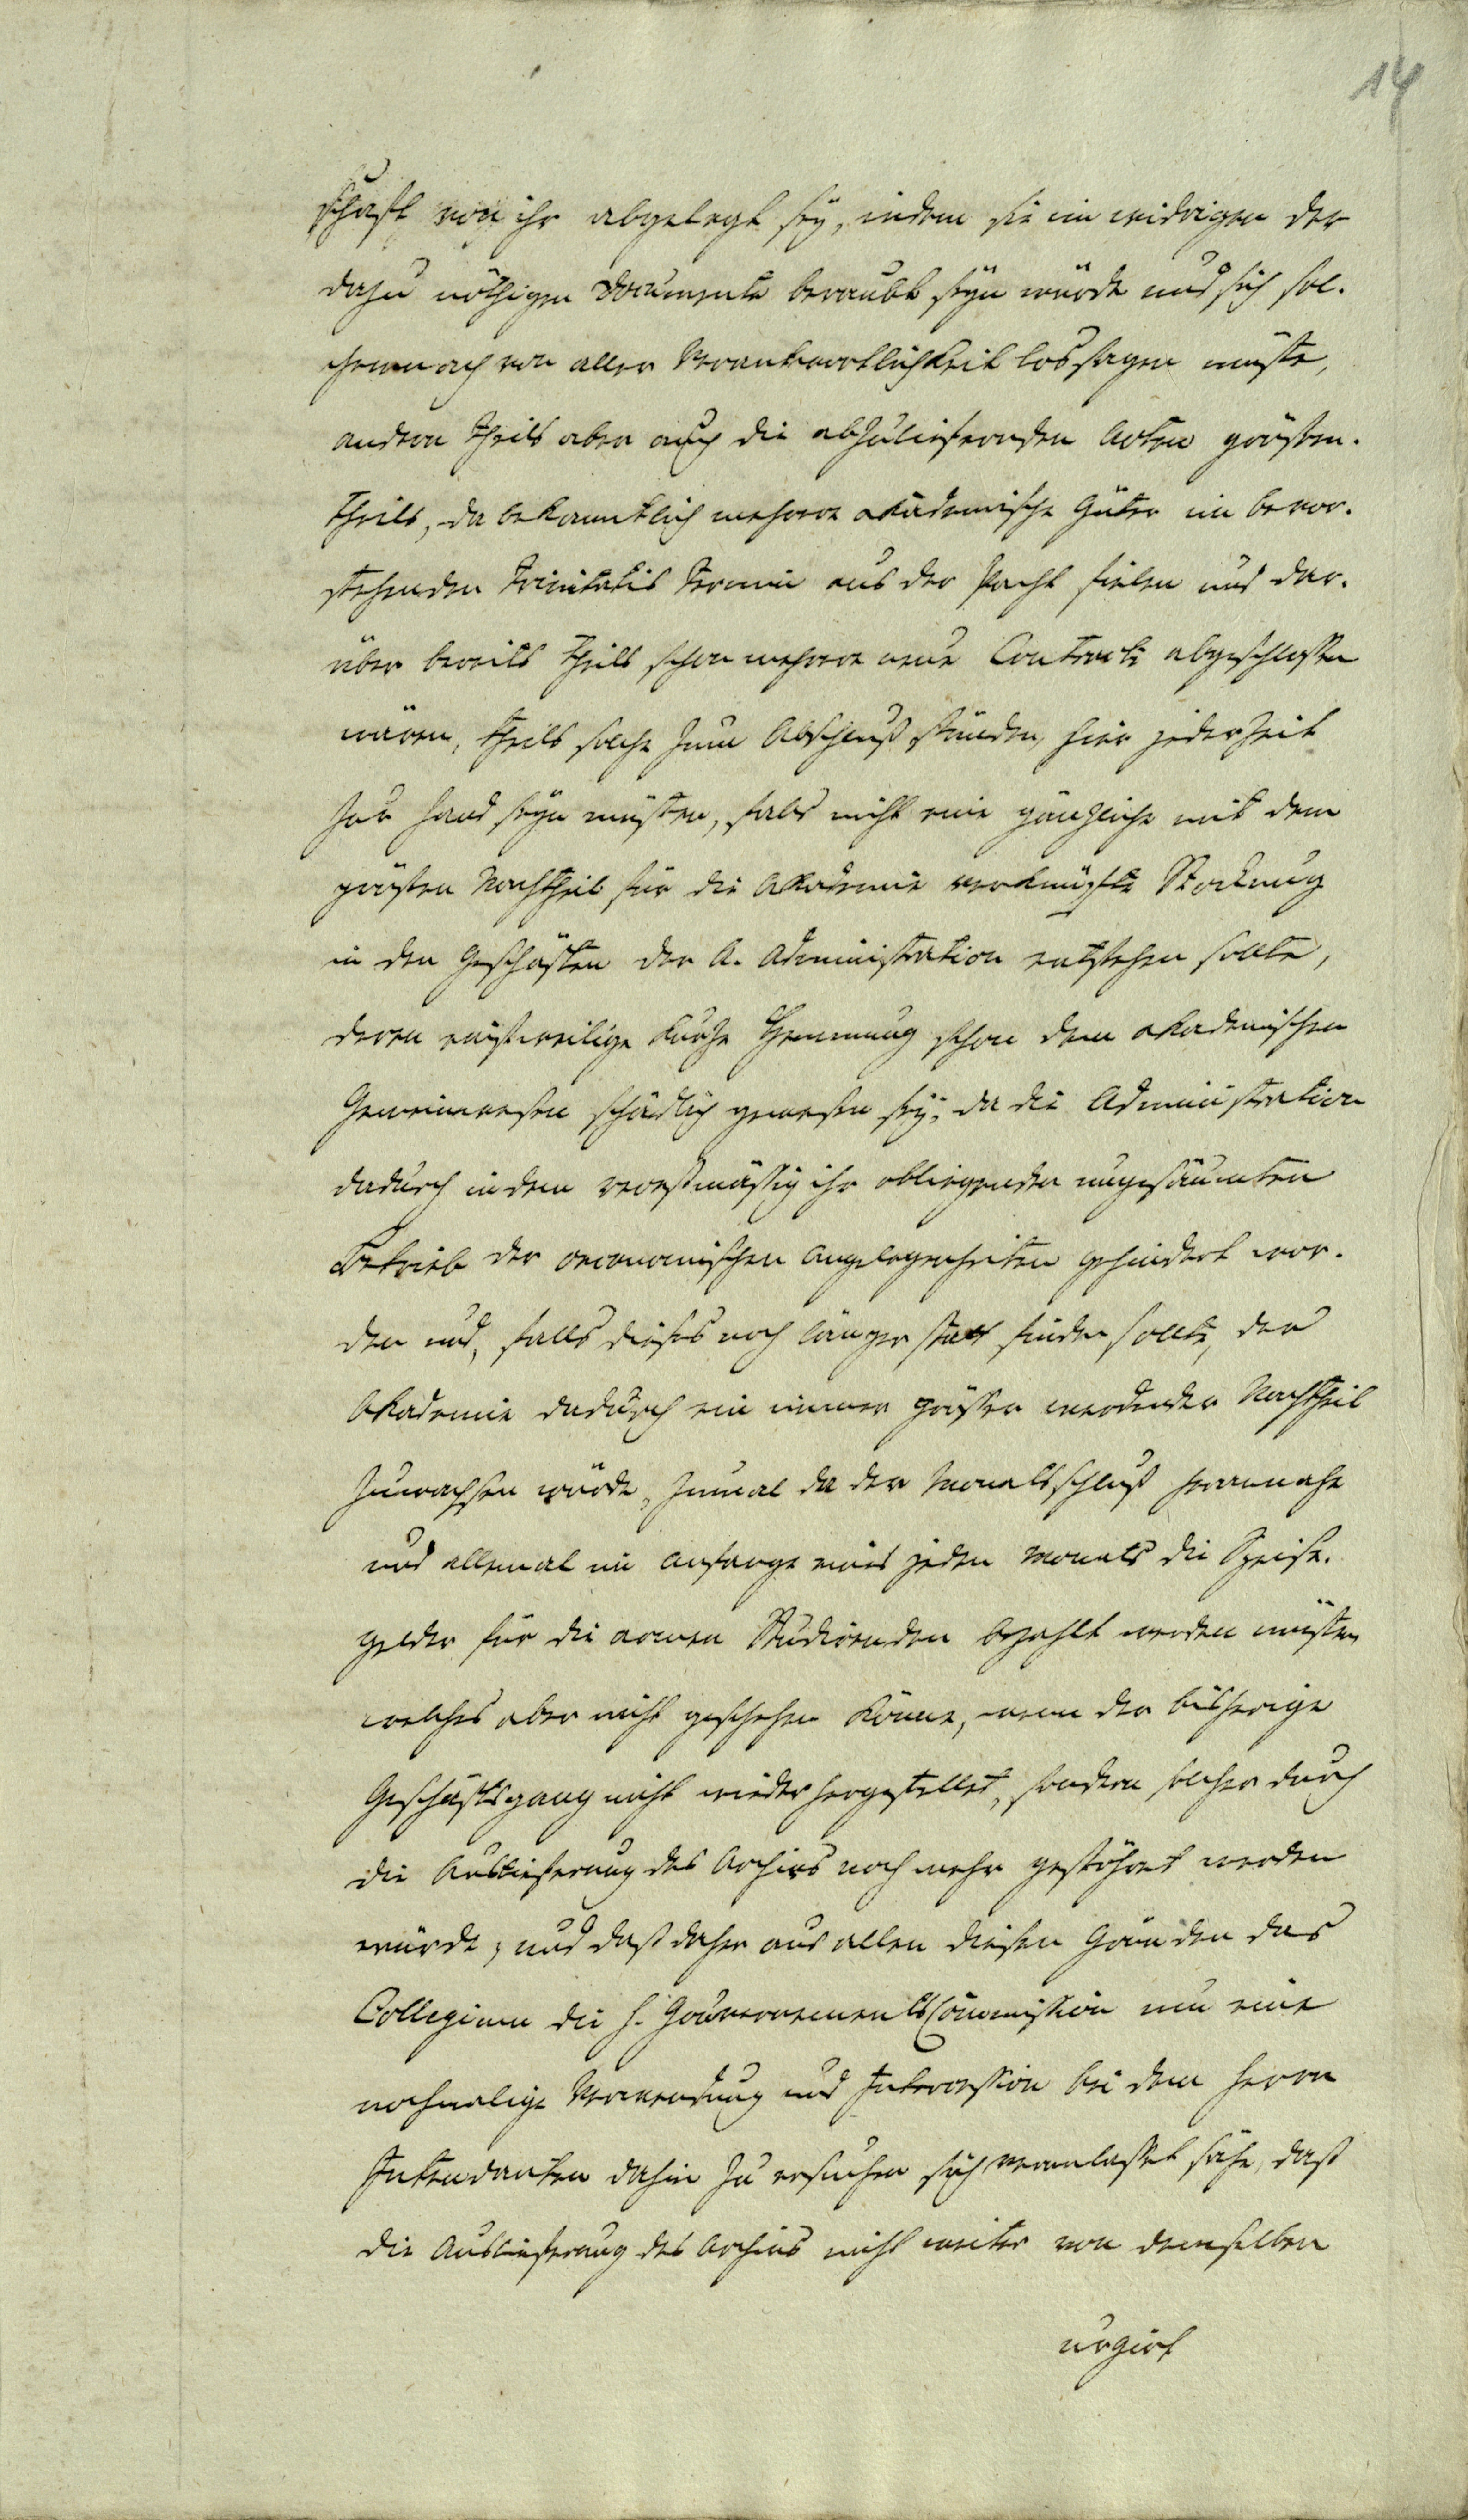schaft von ihr abgelegt seÿ, indem sie im widrigen der
dazu nöthigen Documente beraubt seÿn würde und sich sol¬
chemnach von aller Verantwortlichkeit lossagen müste,
andern theils aber auch die abzuliefernden Acten grösten¬
theils, da bekanntlich mehrere akademische Güter im bevor¬
stehenden Trinitatis Termin aus der Pacht fielen und dar¬
über bereits Theils schon mehrere neue Contracte abgeschlossen
wären, theils solche zum Abschluß stünden, hier jederzeit
zur Hand seÿn müsten, falls nicht eine gänzliche mit dem
grösten Nachtheil für die Akademie verknüpfte Stockung
in den Geschäften der A. Administration entstehen sollte,
deren einstweilige kurze Hemmung schon dem akademischen
Gemeinwesen schädlich gewesen seÿ, da die Administration
dadurch in dem receßmässig ihr obliegenden ungesäumten
Betrieb der oeconomischen Angelegenheiten gehindert wor¬
den und, falls dieses noch länger statt finden sollte, der
Akademie dadurch ein immer grösser werdender Nachtheil
zuwachsen würde, zumal da der Monatsschluß herannahe
und allemal im Anfange eines jeden Monats die Speise¬
gelder für die armen Studirenden bezahlt werden müsten
welches aber nicht geschehen könne, wenn der bisherige
Geschäftsgang nicht wiederhergestellet, sondern solcher durch
die Ablieferung des Archivs noch mehr gestöhret werden
würde; und daß daher ans allen diesen Gründen das
Collegium die h. Gouvernements Commission um eine
nochmalige Verwendung und Intercession bei dem Herrn
Intendanten dahin zu ersuchen sich veranlasset sähe daß
die Auslieferung des Archivs nicht weiter von demselben
urgirt